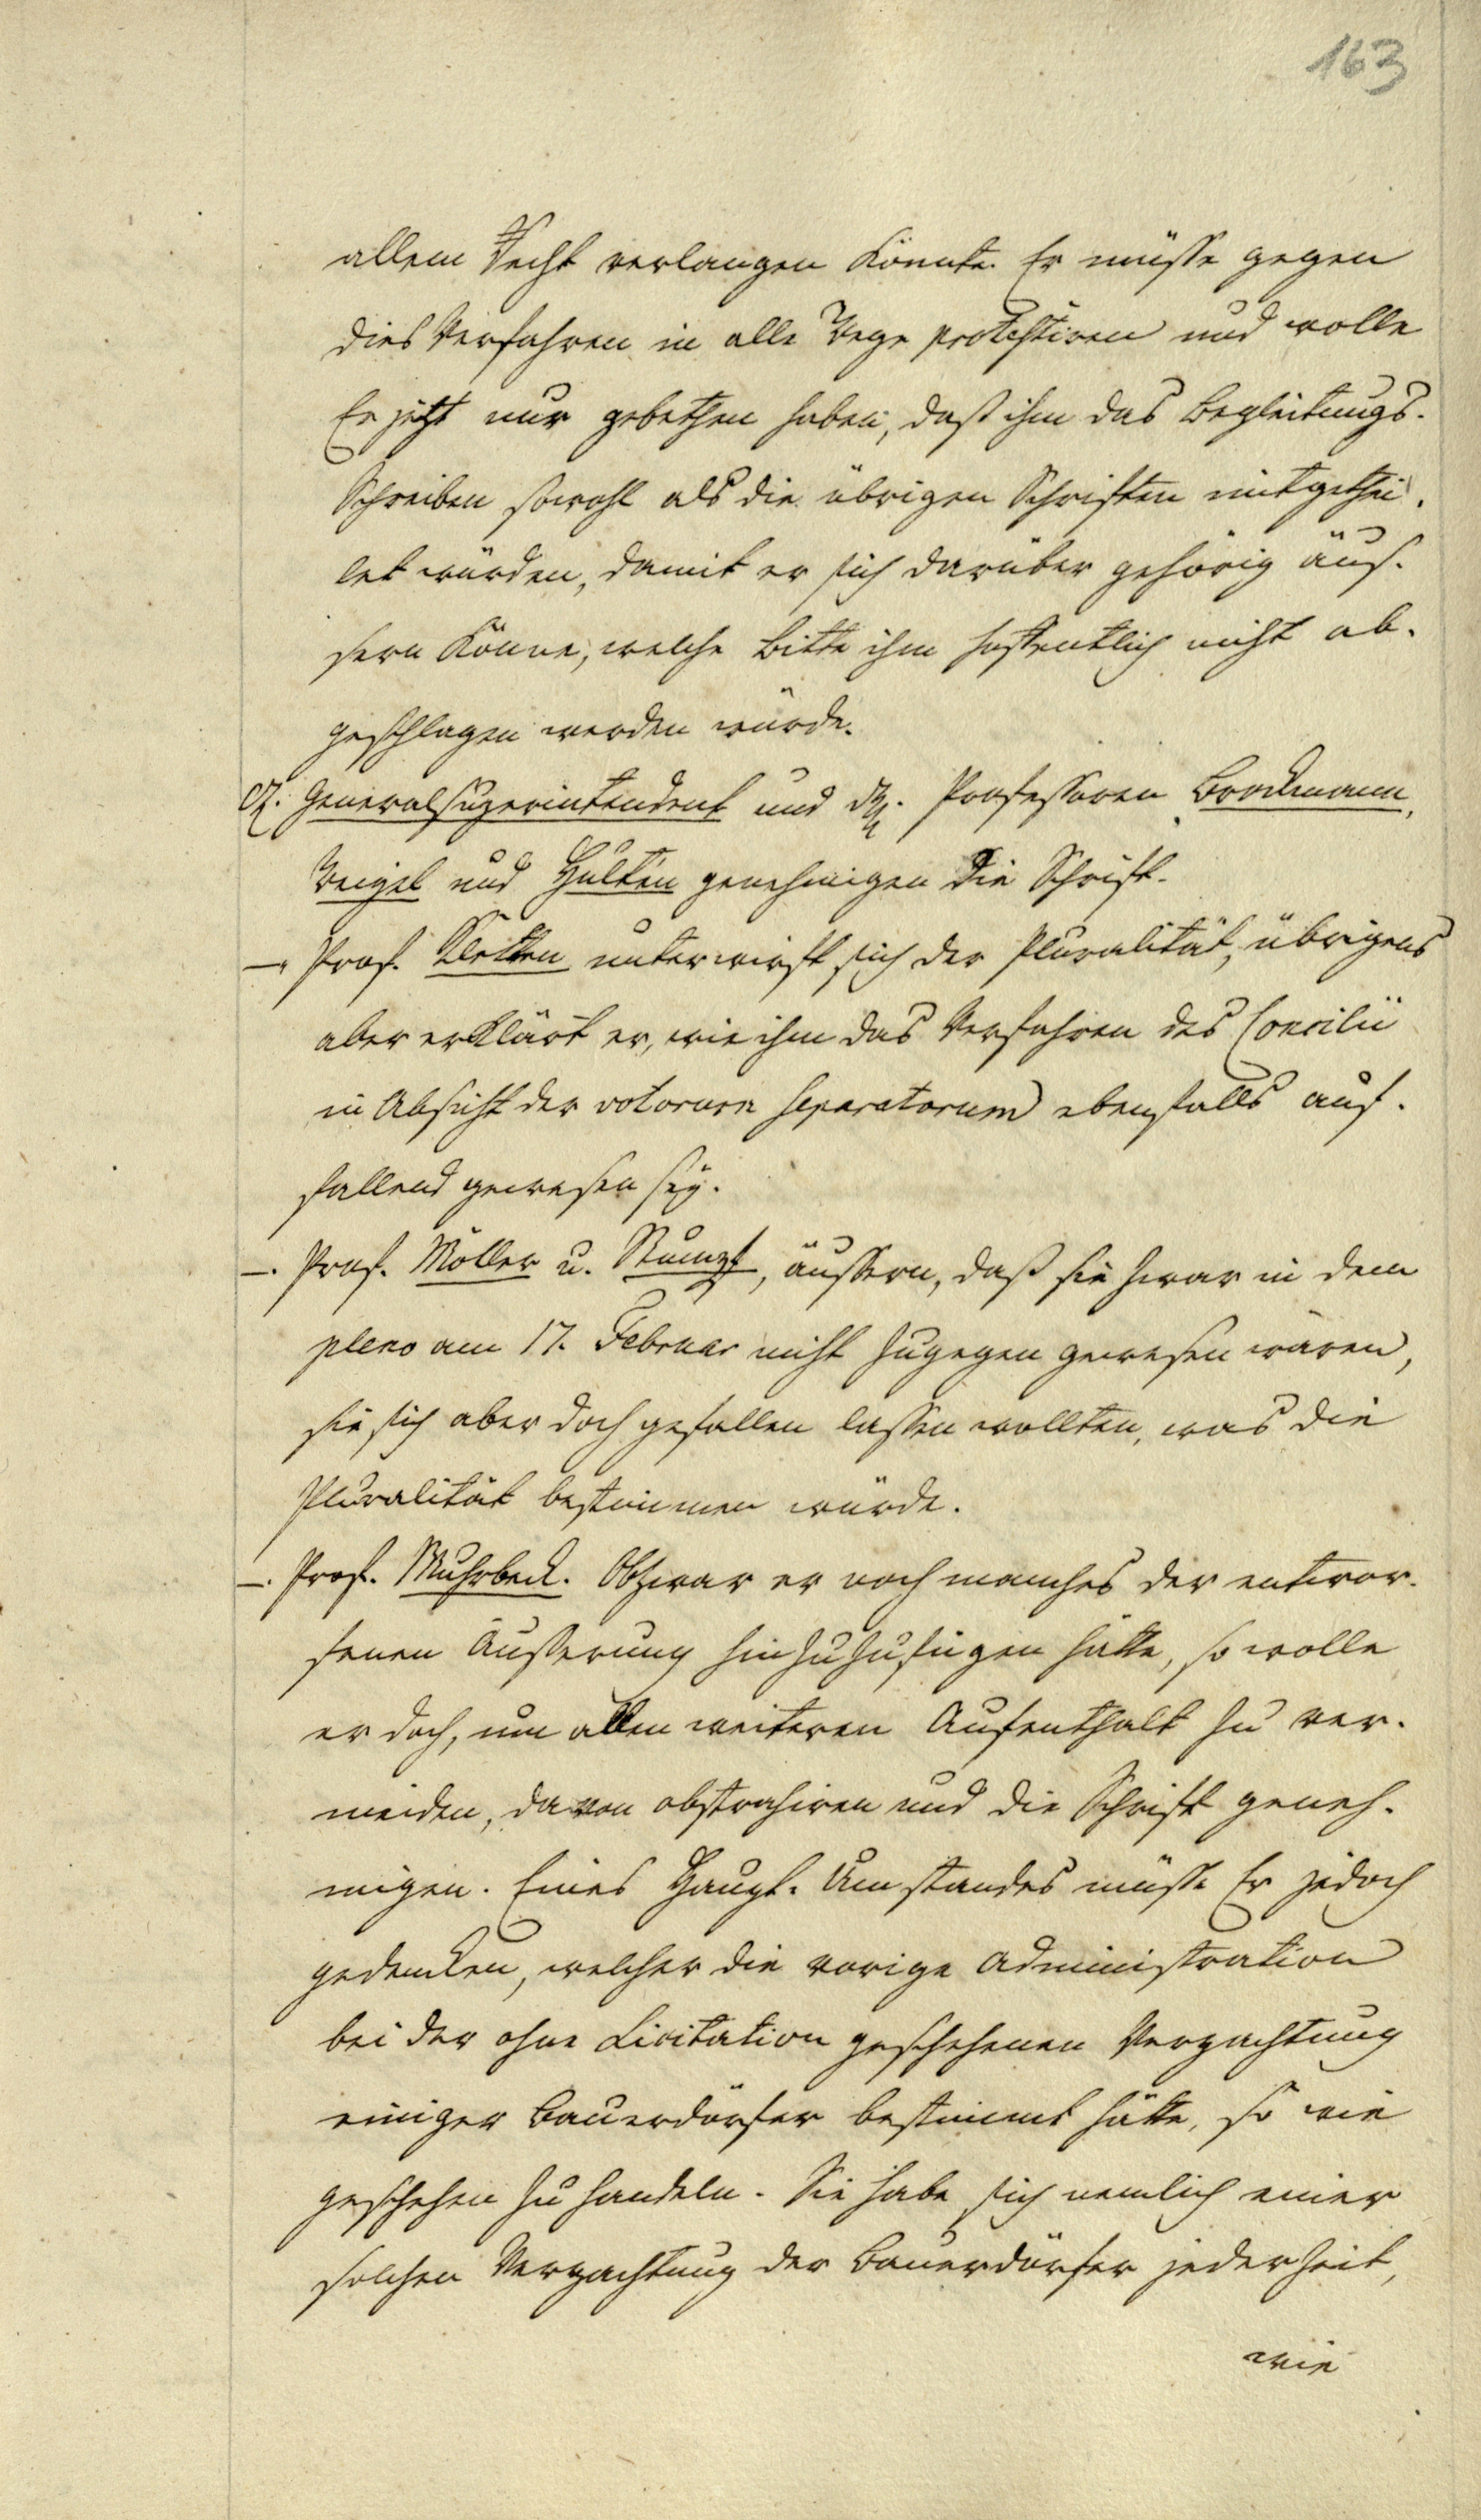allem Recht verlangen könnte. Er müsse gegen
dies Verfahren in alle Wege protestiren und wolle
Er jetzt nur gebethen haben, daß ihm das Begleitungs¬
Schreiben sowohl als die übrigen Schriften mitgethei¬
let würden, damit er sich darüber gehörig äus¬
sern könne, welche Bitte ihm hoffentlich nicht ab¬
geschlagen werden würde.
dh. Generalsuperintendent und dh. Professoren Brockmann,
Weigel und Hultén genehmigen die Schrift.
Prof. Kletten unterwirft sich der Pluralität, übrigens
aber erklärt er, wie ihm das Verfahren des Concilii
in Absicht der votorum separatorum ebenfalls auf¬
fallend gewesen seÿ.
Prof. Möller u. Stumpf, äussern, daß sie zwar in dem
pleno am 17. Februar nicht zugegen gewesen wären,
sie sich aber doch gefallen lassen wollten, was die
Pluralität bestimmen würde.
Prof. Muhrbeck. Obzwar er noch manches der entwor¬
fenen Äusserung hinzuzufügen hätte, so wolle
er doch, um allen weiteren Aufenthalt zu ver¬
meiden, davon abstrahiren und die Schrift geneh¬
einigen. Eines Haupt- Umstandes müsse Er jedoch
gedencken, welcher die vorigen Administration
bei der ohne Licitation geschehenen Verpachtung
einiger Bauerdörfer bestimmt hätte, so wie
geschehen zu handeln. Sie habe sich nemlich einer
solchen Verpachtung der Bauerdörfer jederzeit,
wie